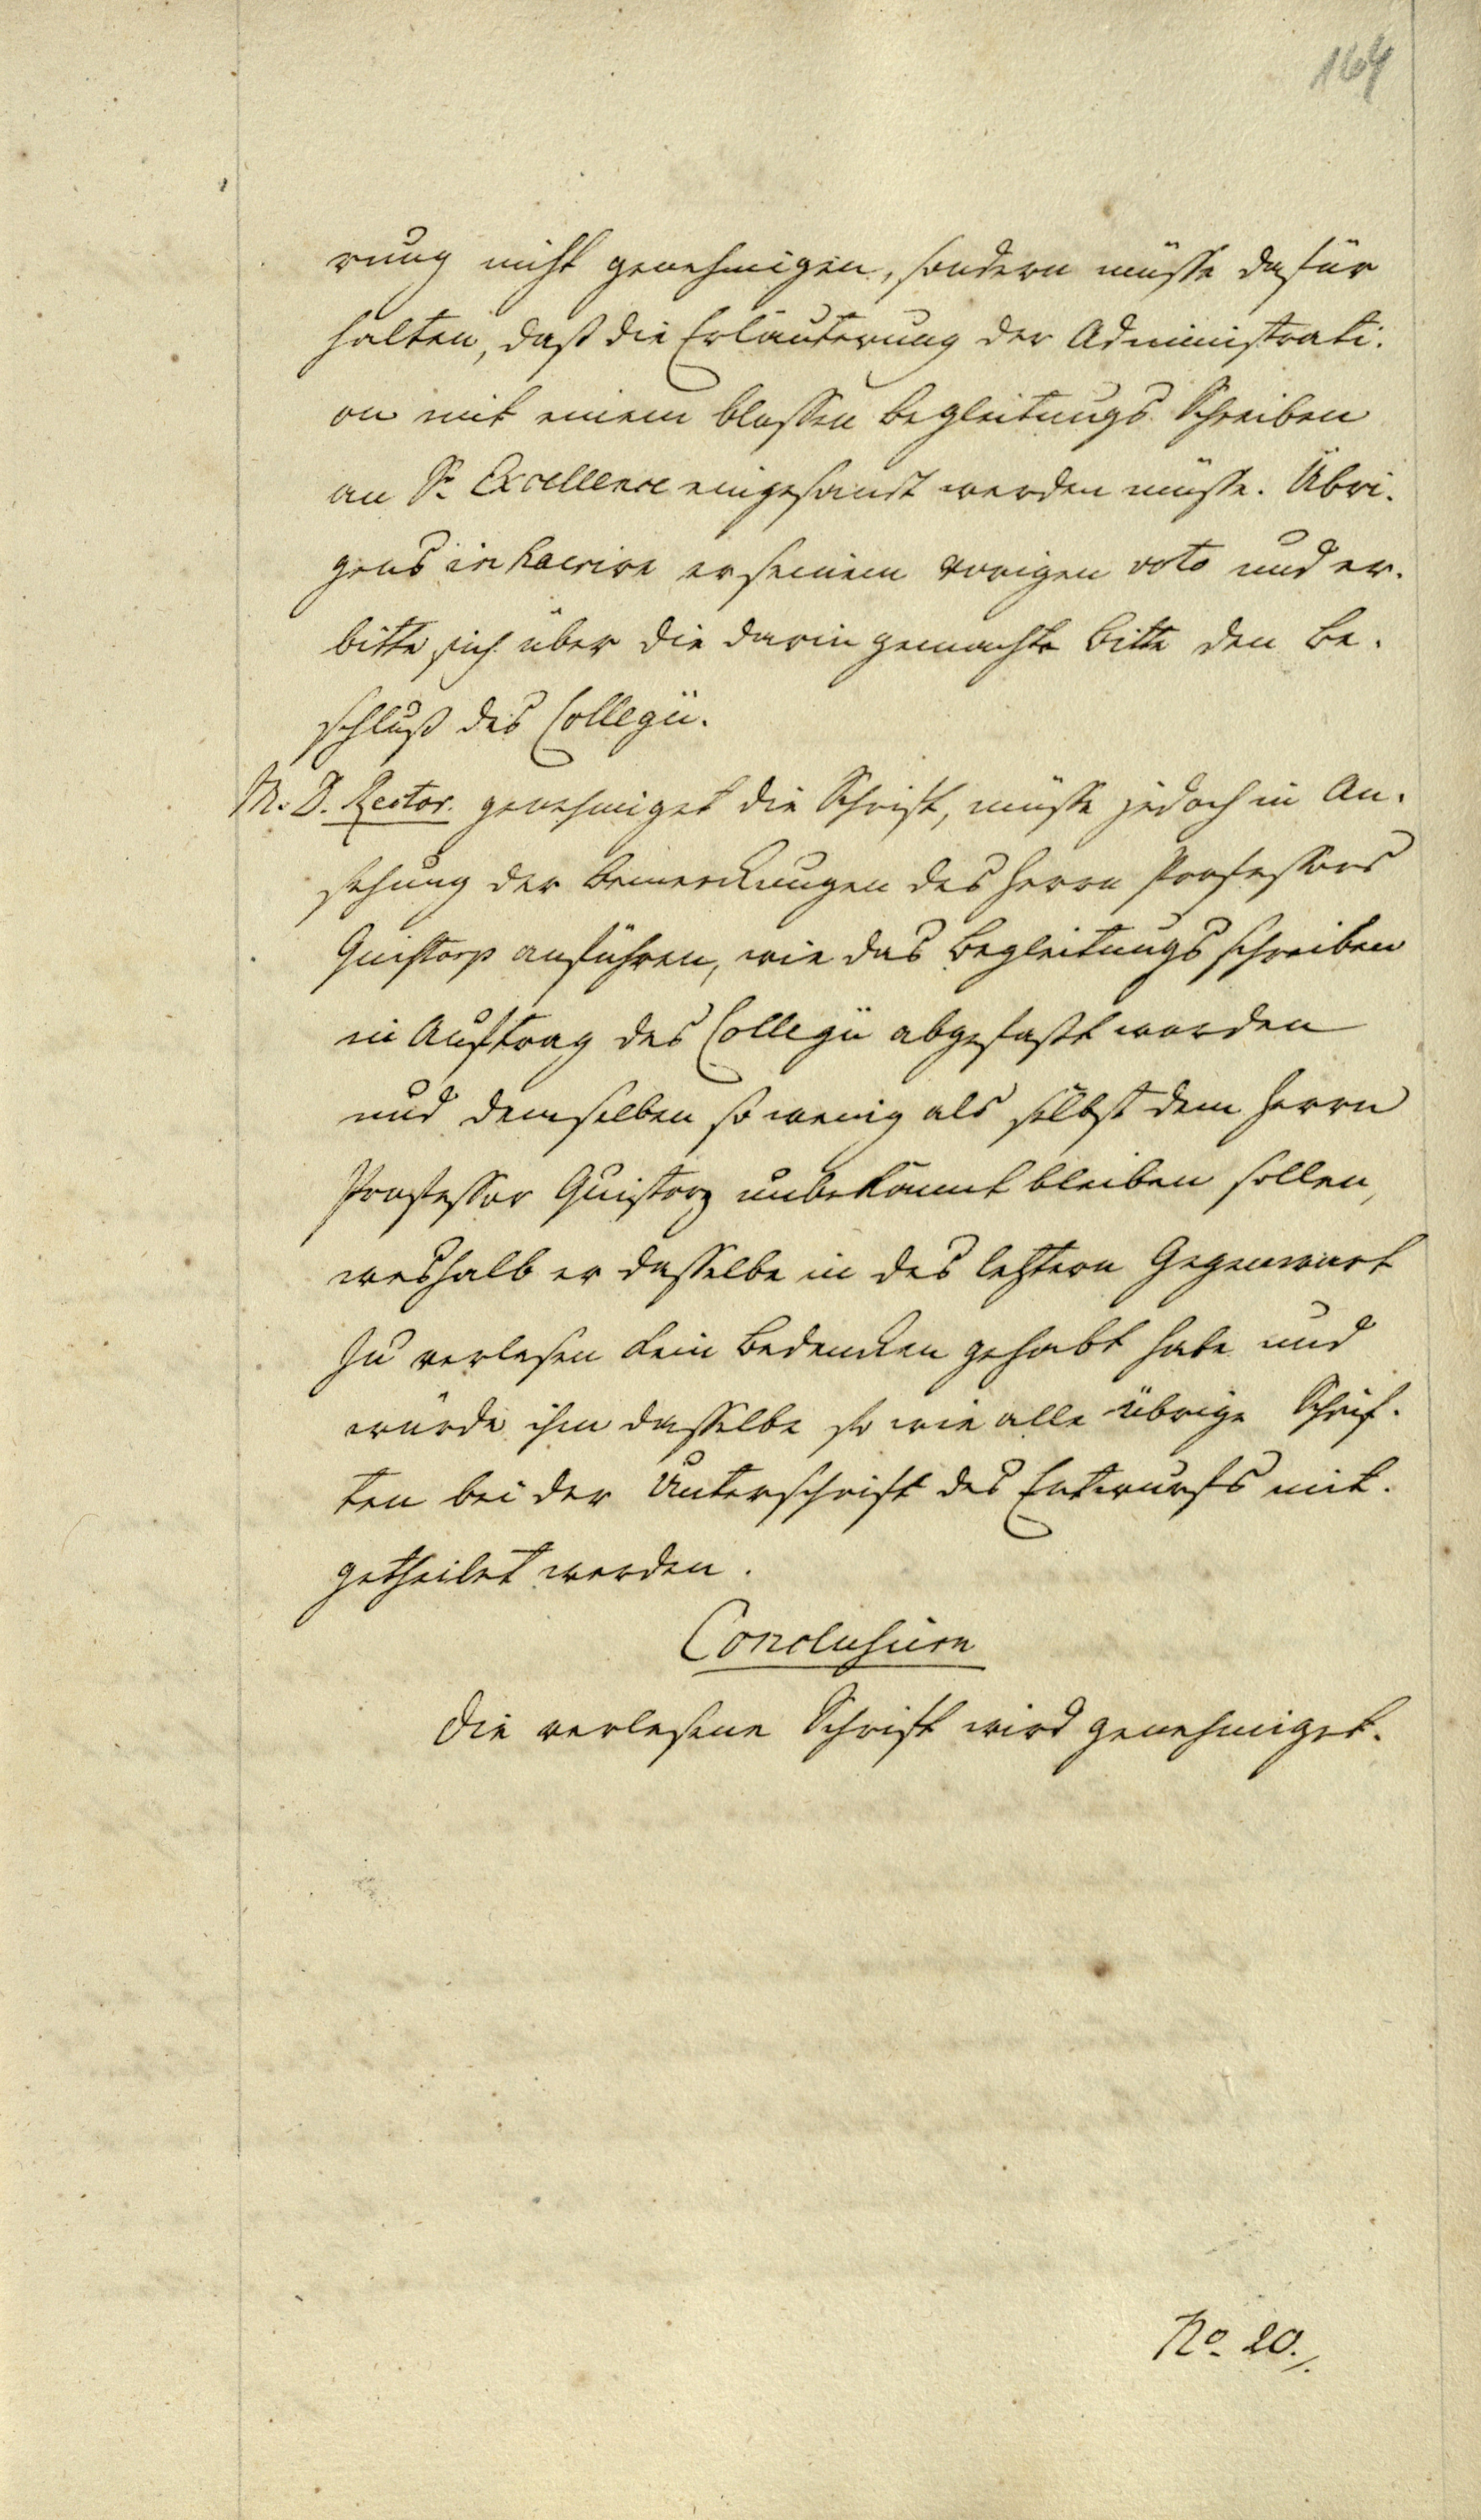rung nicht genehmigen, sondern müsse dafür
halten, daß die Erläuterung der Administrati¬
on mit einem blossen Begleitungs Schreiben
an Sr Excellence eingesandt werden müsse. Übri¬
gens inhaerire er seinem vorigen voto und er¬
bitte sich über die darin gemachte Bitte den Be¬
schluß des Collegii.
M. D. Rector genehmiget die Schrift, müsse jedoch in An¬
sehung der Bemerckungen des Herrn Professors
Quistorp anführen, wie das Begleitungsschreiben
in Auftrag des Collegii abgefaßt worden
und demselben so wenig als selbst dem Herrn
Professor Quistorp unbekannt bleiben sollen,
weshalb er dasselbe in des letztern Gegenwart
zu verlesen kein Bedencken gehabt habe und
würde ihm dasselbe so wie alle übrige Schrif¬
ten bei der Unterschrift des Entwurfs mit¬
getheilet werden.
Conclusum
Die verlesene Schrift wird genehmiget.
No 20.